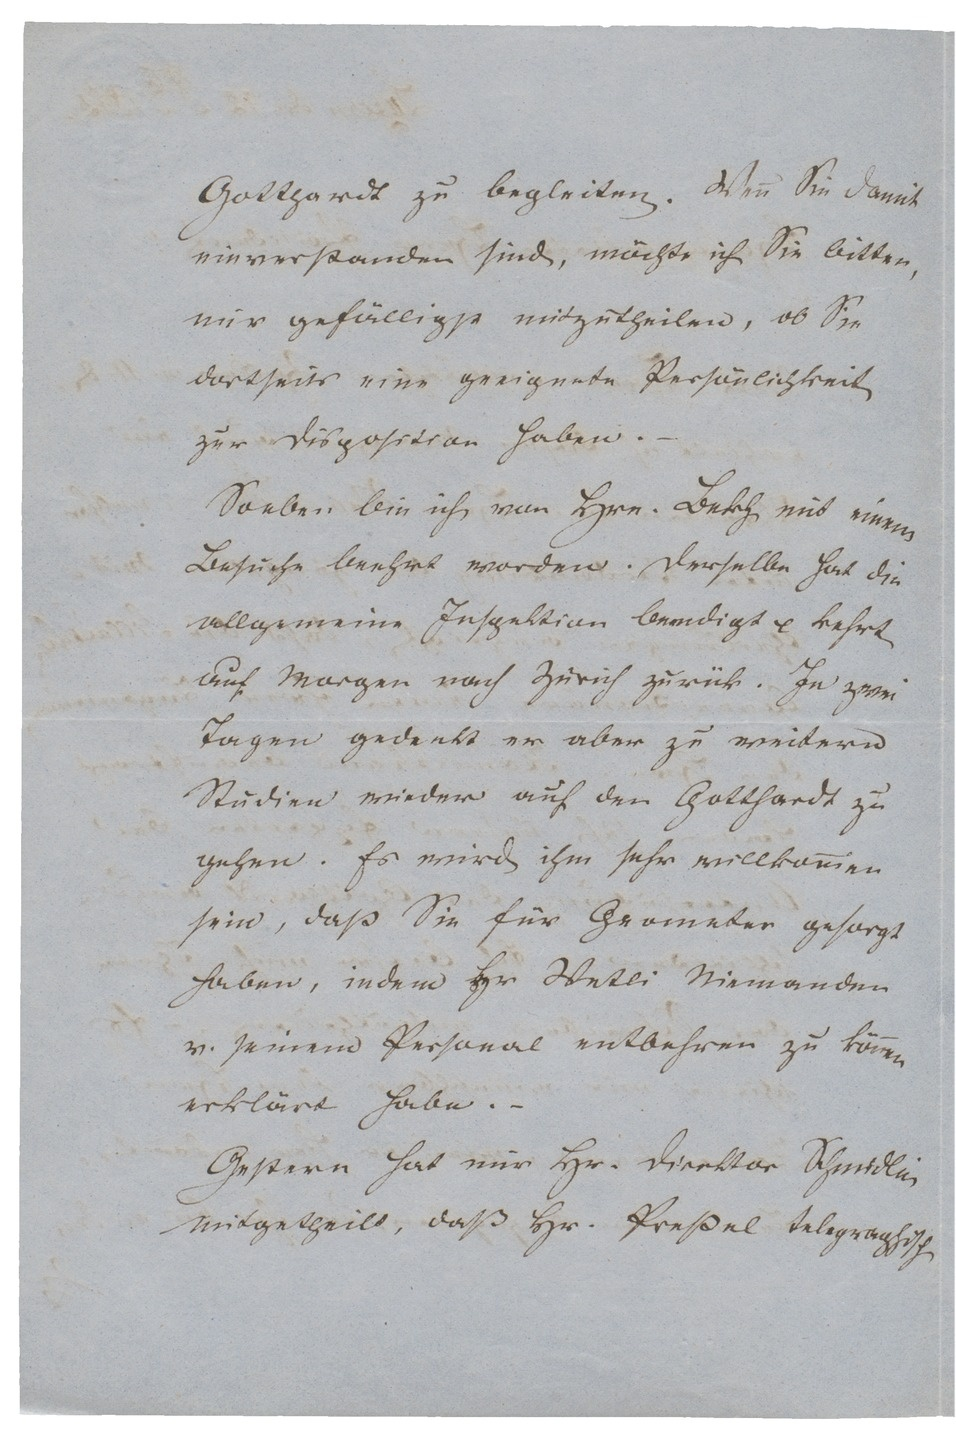Gotthardt zu begleiten. Wenn Sie damit
einverstanden sind, möchte ich Sie bitten,
mir gefälligst mitzutheilen, ob Sie
dortseits eine geeignete Persönlichkeit
zur Disposition haben. –
Soeben bin ich von Hrn. Bekh mit einem
Besuche beehrt worden. Derselbe hat die
allgemeine Inspektion beendigt & kehrt
auf Morgen nach Zürich zurük. In zwei
Tagen gedenkt er aber zu weitern
Studien wieder auf den Gotthardt zu
gehen. Es wird ihm sehr willkommen
sein, daß Sie für Geometer gesorgt
haben, indem Hr Wetli Niemanden
v. seinem Personal entbehren zu können
erklärt habe. –
Gestern hat mir Hr. Direktor Schmidlin
mitgetheilt, daß Hr. Preßel telegrafisch